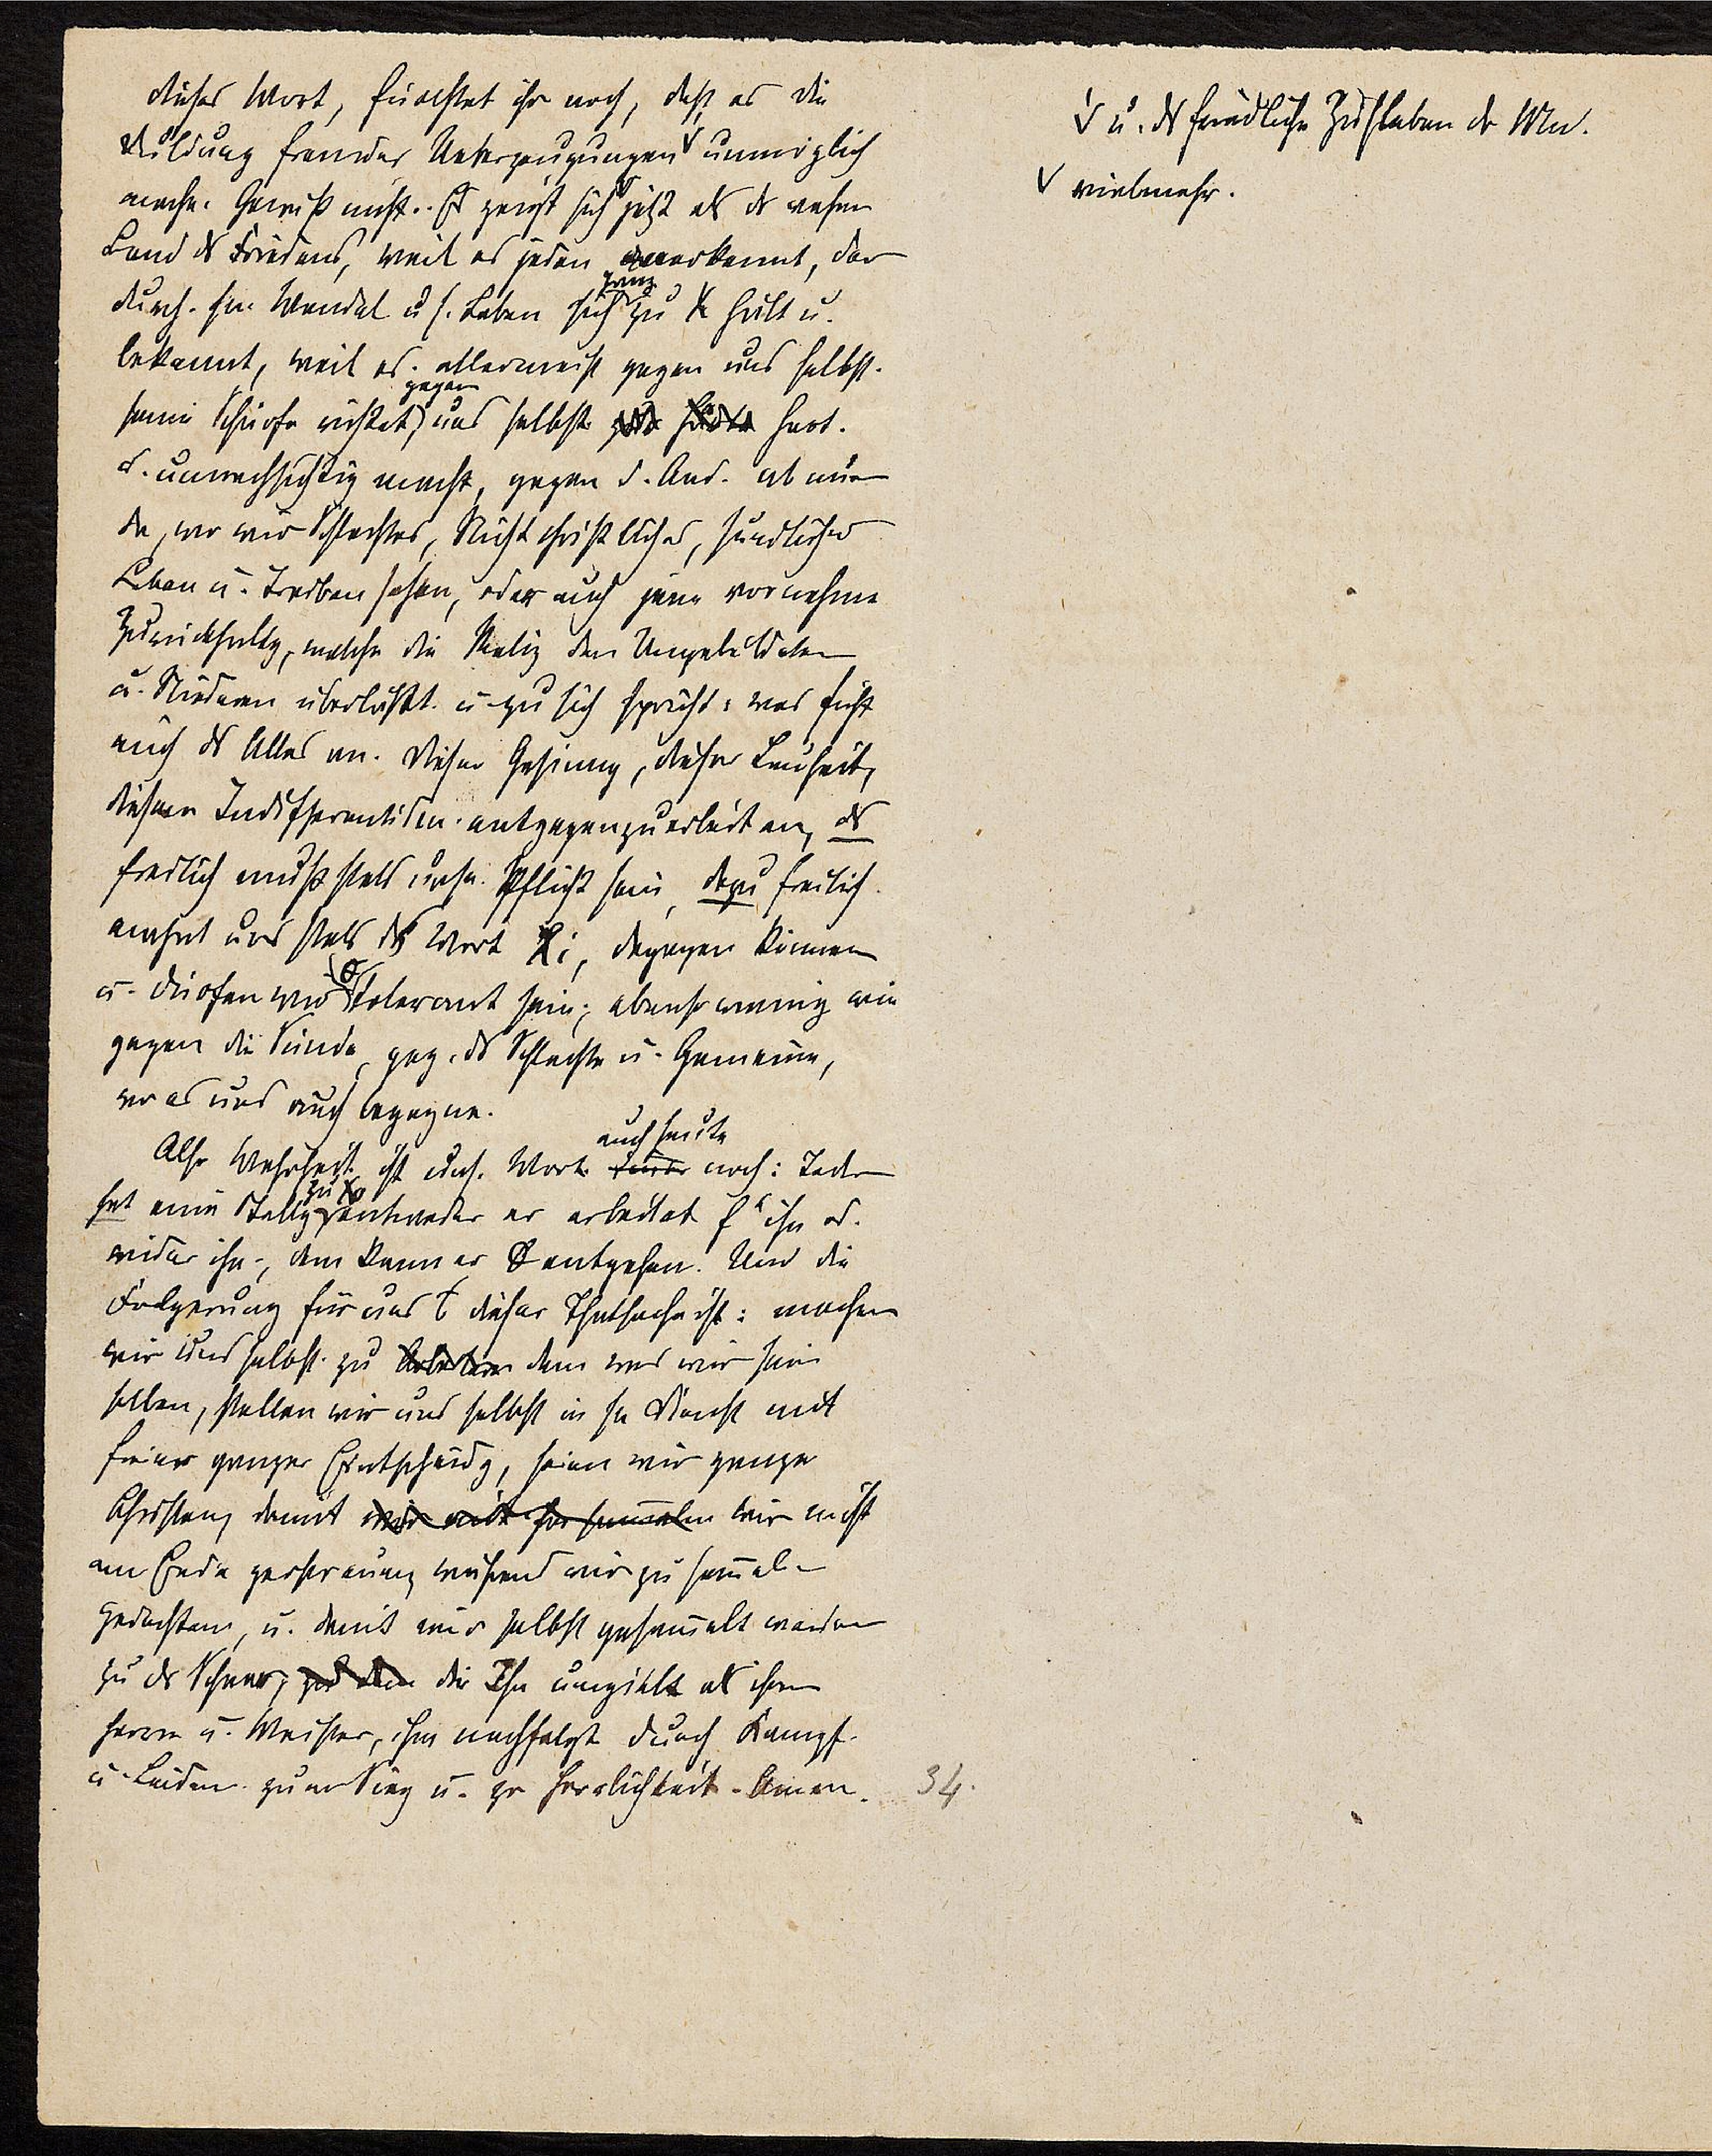dieses Wort, fürchtet ihr noch, daß es die
Duldung fremder Ueberzeugungen V unmöglich
mache. Gewiß nicht. Es zeigt sich jetzt als ds wahre
Band ds Friedens, weil es jeden anerkennt, der
ganz
durch. sn. Wandel u. s. Leben sich zu Χ hält u.
bekennt, weil es. allermeist gegen uns selbst.
gegen
seine Schärfe richtet, uns selbst zur Härte hart.
u. unnachsichtig macht, gegen d. And. ab. nur
da, wo wir Schlechtes, Nichtchristliches, sündliches
Leben u. Treiben sehen, oder auch jene vornehme
Zurückhaltg, welche die Relig. den Ungebildenten
u. Niederen überläßt u. zu sich spricht: was führt
auch ds All an. dieser Gesinng, dieser Lauheit,
dieser Indifferentism. entgegenzuarbeiten, ds
freilich muß stets unsr. Pflicht sein, dazu freilich
mahnt uns stets ds Wort Χι, dagegen können
u. dürfen wir o tolerant sein; ebensowenig wie
gegen die Sünde, geg. ds Schlechte u Gemeine,
wo es uns auch begegne.
auch heute
Also Wahrheit ist uns. Wort unter noch: Jeder
hat eine Stellg Χo, entweder er arbeitet fü ihn od.
wider ihn; dem kann er o entgehen. Und die
Folgerung für uns s dieser Thatsache ist: machen
wir uns selbst zu Arbeitern dem was wir sein
sollen, stellen wir uns selbst in sn Dienst mit
freier ganzer Entscheidg, seien wir ganze
Christen, damit wir mit ihm sameln wir nicht
am Ende zerstreuen, während wir zu sameln
gedachten, u. damit wir selbst gesamelt werden
zu dr Schaar, zu dem die In umgiebt als ihrem
Herrn u. Meister, ihm nachfolgt durch Kampf
u. Leiden zum Sieg u. zr. Herrlichkeit. Amen.
34.
V u. ds friedliche Zusleben dr Mn.
V vielmehr